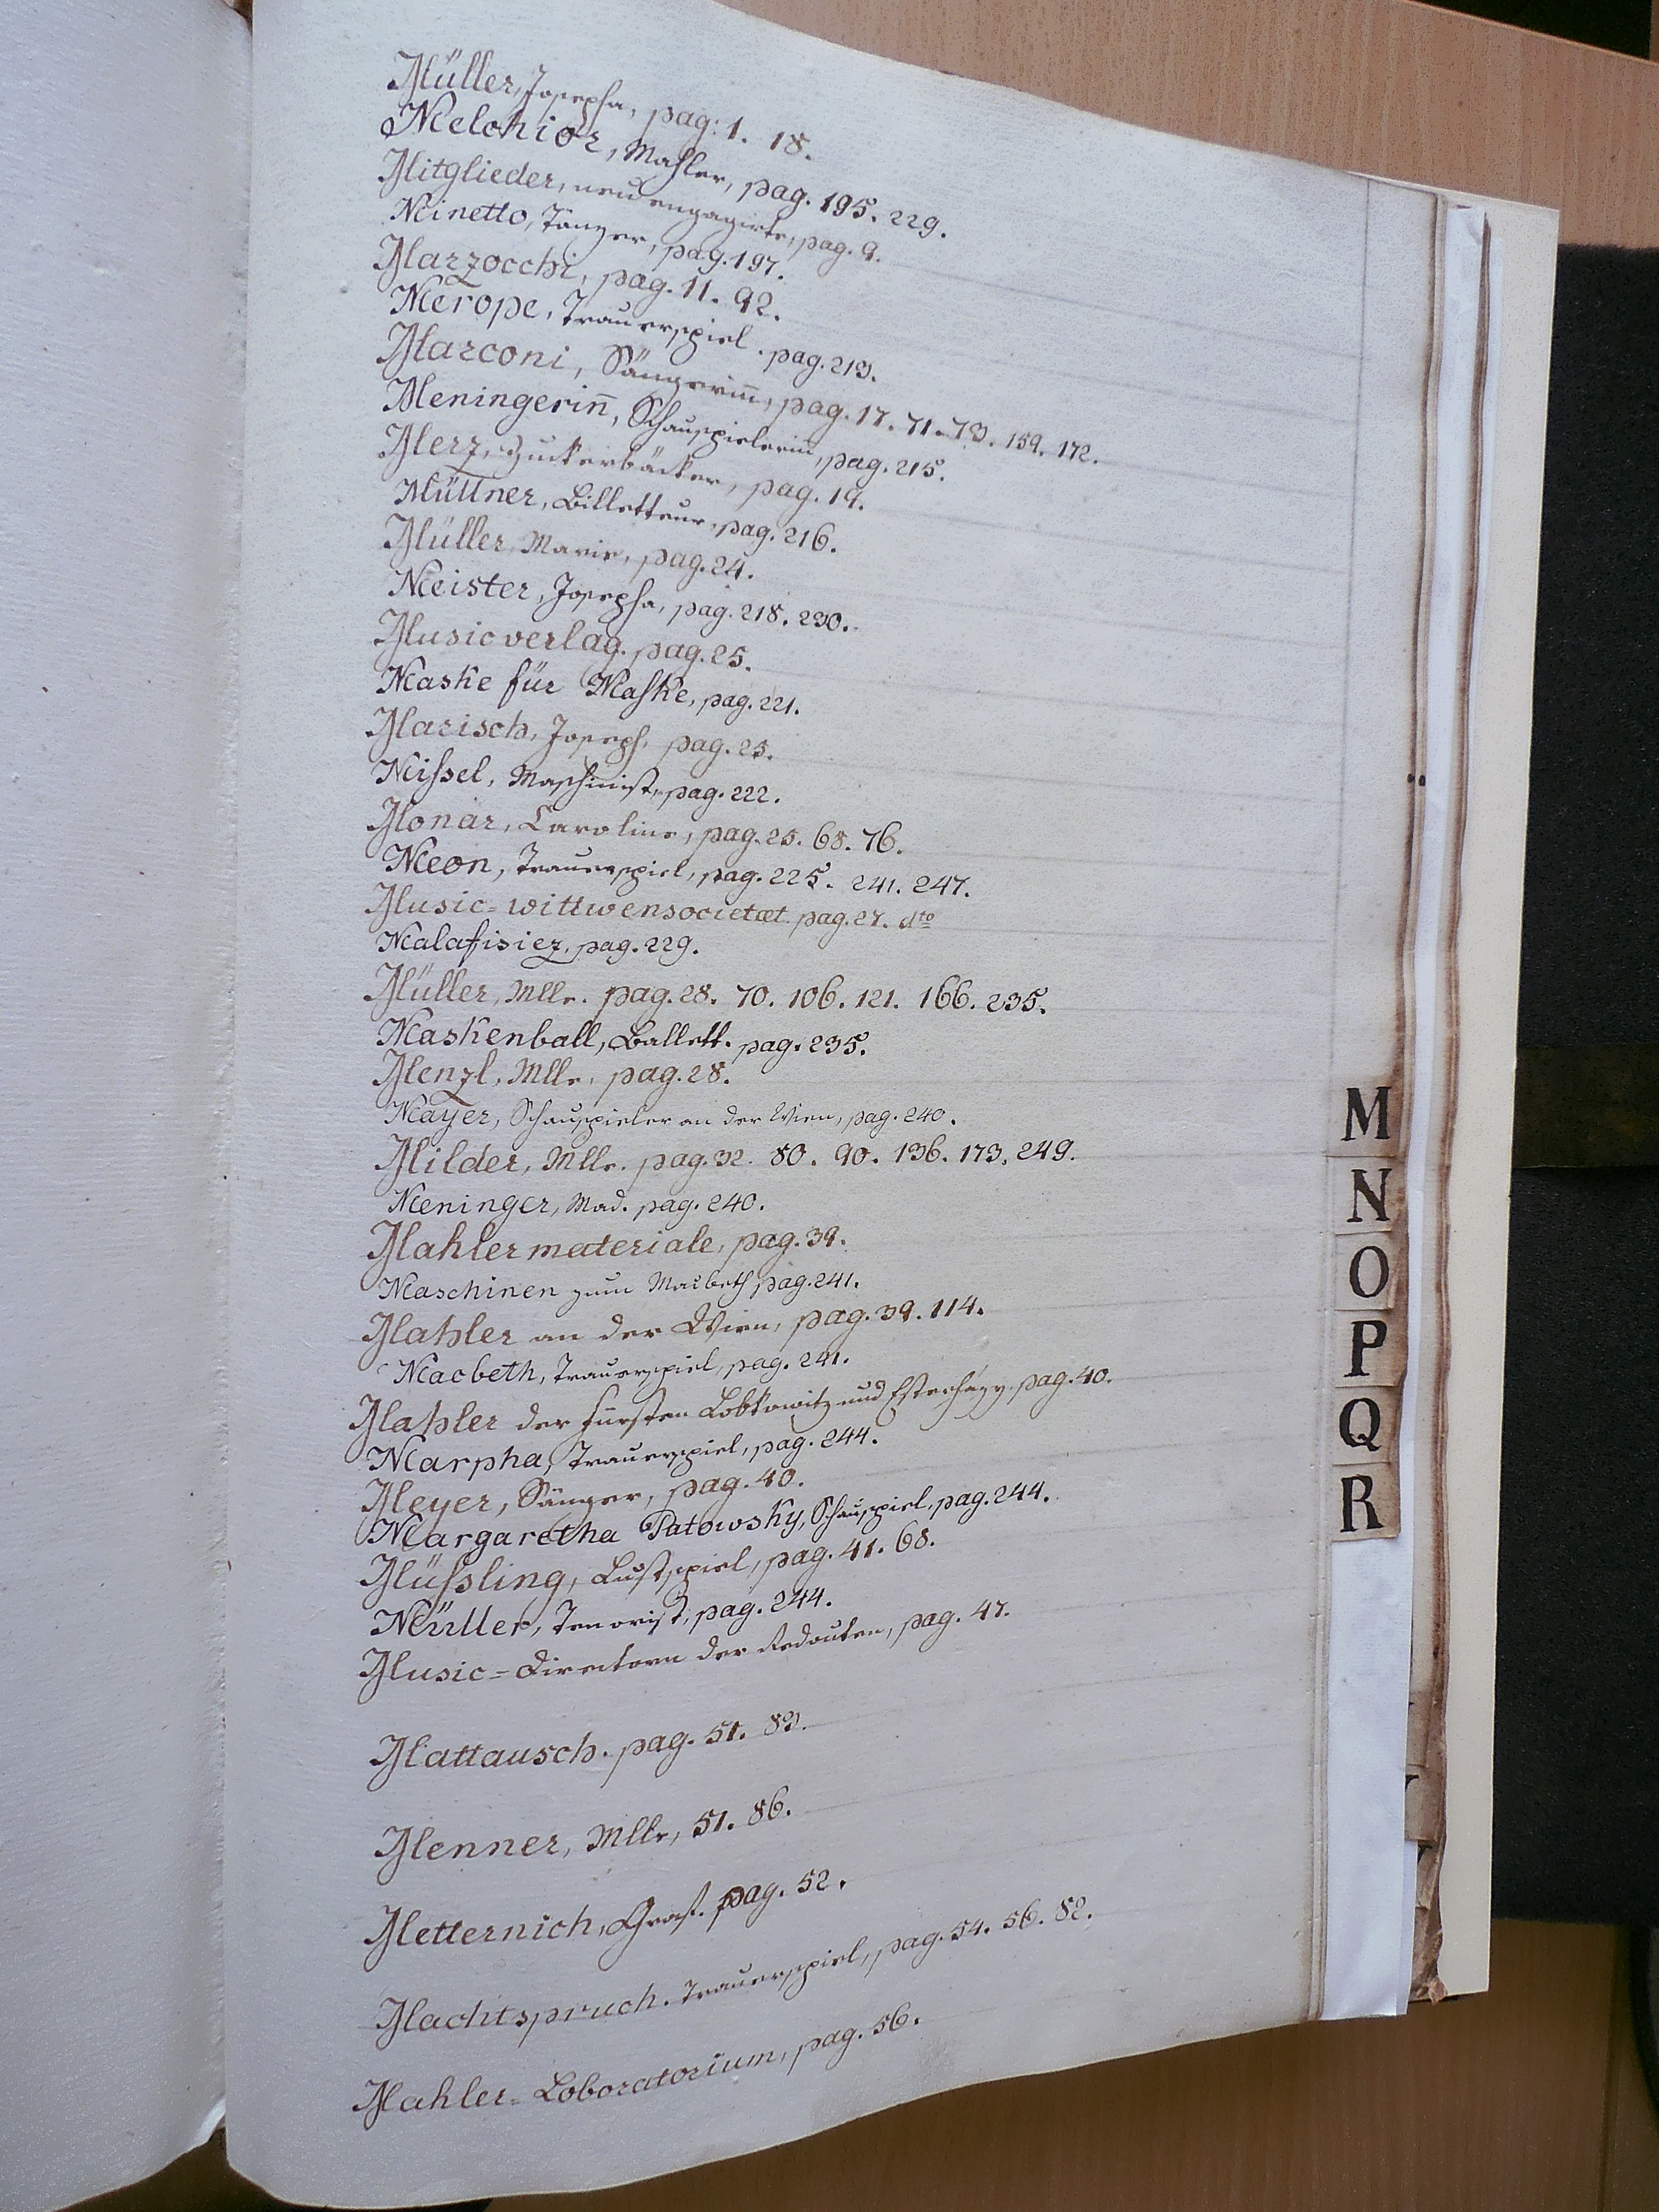M
Müller, Josepha, pag: 1. 18.
Melchior, Mahler, pag. 195. 229.
Mitglieder, neu engagirte, pag. 9.
Minetto, Tänzer, pag. 197.
Marzocchi, pag. 11. 92.
Merope, Trauerspiel. pag. 213.
Marconi, Sängerin̅, pag. 17. 71. 73. 159. 172.
Meningerin̅, Schauspielerin̅, pag. 215.
Merz, Zuckerbäcker, pag. 14.
Müllner, Billetteur. pag. 216.
Müller Marie, pag. 24.
Meister, Josepha, pag. 218. 230.
Musicverlag. pag. 25.
Maske für Maske, pag. 221.
Marisch, Joseph, pag 25.
Missl, Maschinist, pag. 222.
Monar, Caroline, pag. 25. 68. 76.
Meon, Trauerspiel, pag. 225. 241. 247.
Music=wittwensocietæt. pag. 27.dto͇
Malafisiez, pag. 229
Müller, Mlle. pag. 28. 70. 106. 121. 166. 235.
Maskenball, Ballett. pag. 235.
Menzl, Mlle, pag. 28.
Mayer, Schauspieler an der Wien, pag. 240.
Milder, Mlle. pag. 32. 80. 90. 136. 173. 249.
Meninger, Mad. pag. 240.
Mahlermateriale, pag 39.
Maschinen zum Macbeth pag. 241.
Mahler an der Wien, pag. 39. 114.
Macbeth, Trauerspiel, pag. 241.
Mahler der Fürsten Lobkowitz und Esterházy. pag. 40.
Marpha, Trauerspiel, pag. 244.
Meyer, Sänger, pag. 40.
Margaretha Patowsky, Schauspiel. pag. 244.
Müssling, Lustspiel, pag. 41. 68.
Müller, Tenorist, pag. 244.
Music=Directorn der Redouten, pag. 47.
Mattausch. pag. 51. 83.
Menner, Mlle, 51. 86.
Metternich, Graf. pag. 52.
Machtspruch. Trauerspiel, pag. 54. 56. 82.
Mahler=Loboratorium, pag. 56.